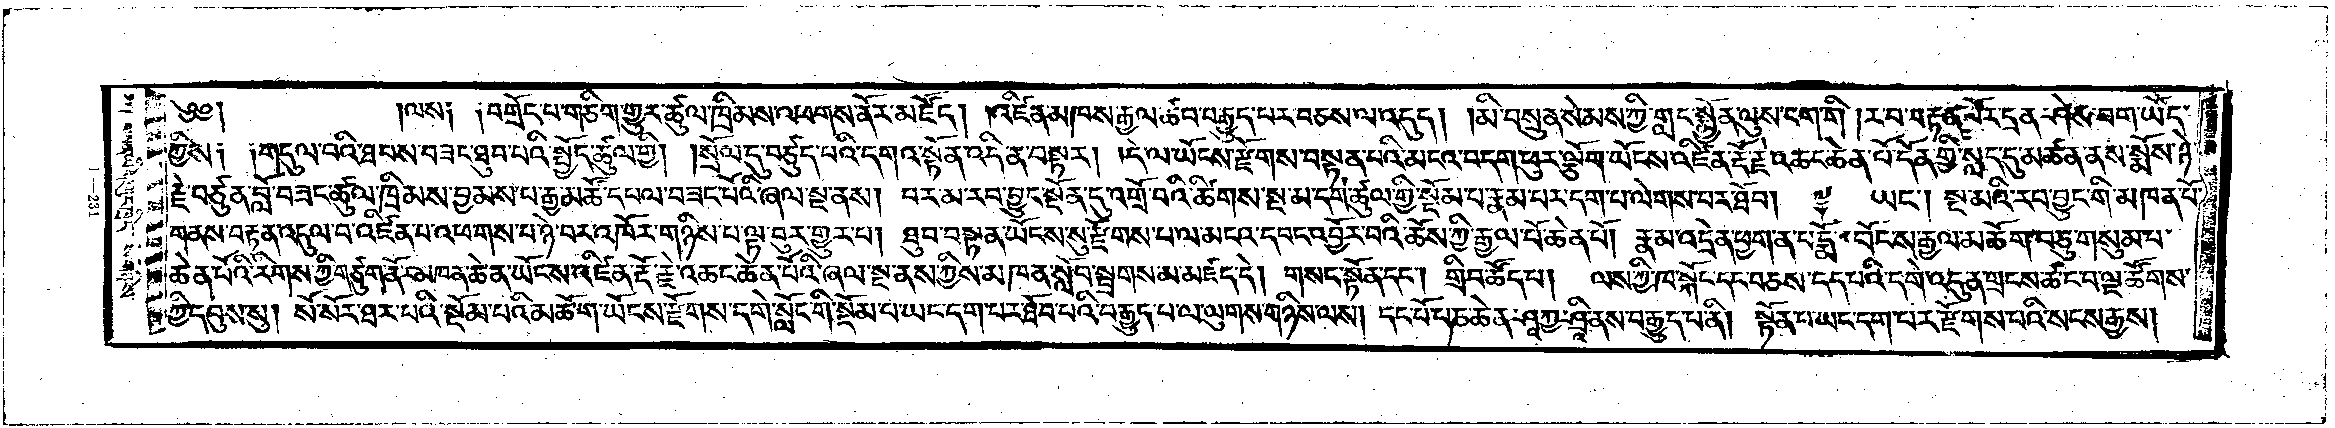༄༅། །ལས༑ ༑བགྲོང་པ་གཅིག་གྱུར་ཚུལ་ཁྲིམས་འཕགས་ནོར་མཛོད། །འཛིན་མཁས་རྒྱལ་ཚབ་བརྒྱུད་པར་བཅས་ལ་འདུད། །མི་བསྲུན་སེམས་ཀྱི་གླང་སྨྱོན་ལུས་ངག་གི །རབ་བརྟན་པོར་དྲན་ཤེས་བག་ཡོད་
ཀྱིས༑ ༑གདུལ་བའི་ཐབས་བཟང་ཐུབ་པའི་སྤྱོད་ཚུལ་གྱི། །སྲོལ་དུ་བཙུད་པའི་དགའ་སྟོན་འདི་ན་བསྟར། །དེ་ལ་ཡོངས་རྫོགས་བསྟན་པའི་མངའ་བདག་ཕུར་ལྕོག་ཡོངས་འཛིན་རྡོ་རྗེ་འཆང་ཆེན་པོ་དོན་གྱི་སླད་དུ་མཚན་ནས་སྨོས་ཉེ་
རྗེ་བཙུན་བློ་བཟང་ཚུལ་ཁྲིམས་བྱམས་པ་རྒྱ་མཚོ་དཔལ་བཟང་པོའི་ཞལ་སྔ་ནས། བར་མ་རབ་བྱུང་སྔོན་དུ་འགྲོ་བའི་ཚིགས་སྔ་མ་དགེ་ཚུལ་གྱི་སྡོམ་པ་རྣམ་པར་དག་པ་ལེགས་པར་ཐོབ། འ་ཡང་། སྔ་མའི་རབ་བྱུང་གི་མཁན་པོ་
གནས་བརྟན་འདུལ་བ་འཛིན་པ་འཕགས་པ་ཉེ་བར་འཁོར་གཉིས་པ་ལྟ་བུར་གྱུར་པ། ཐུབ་བསྟན་ཡོངས་སུ་རྫོགས་པ་ལ་མངའ་དབང་འབྱོར་བའི་ཆོས་ཀྱི་རྒྱལ་པོ་ཆེན་པོ། རྣམ་འདྲེན་ཕྱག་ན་པདམོ་བོངས་རྒྱལ་མཆོག་བཅུ་གསུམ་པ་
ཆེན་པོའི་རིགས་ཀྱི་གཙུག་ནོར་མཁན་ཆེན་ཡོངས་འཛིན་རྡོ་རྗེ་འཆང་ཆེན་པོའི་ཞལ་སྔ་ནས་ཀྱིས་མཁན་སློབ་སྦྲགས་མ་མཛད་དེ། གསང་སྟོན་དང་། གྲིབ་ཚོད་པ། ལས་ཀྱི་ཁ་སྐོང་དང་བཅས་དད་པའི་དགེ་འདུན་གྲངས་ཚ་ང་པ་ལྔ་ཚོགས་
ཀྱི་དབུས་སུ། སོ་སོར་ཐར་པའི་སྡོམ་པའི་མཆོག་ཡོངས་རྫོགས་དགེ་སློང་གི་སྡོམ་པ་ཡང་དག་པར་ཐོབ་པའི་བརྒྱུད་པ་ལ་ལུགས་གཉིས་ལས། དང་པོ་པཎ་ཆེན་ཤཱཀྱ་ཤྲཱི་ནས་བརྒྱུད་པ་ནི། སྟོན་པ་ཡང་དག་པར་རྫོགས་པའི་སངས་རྒྱས།